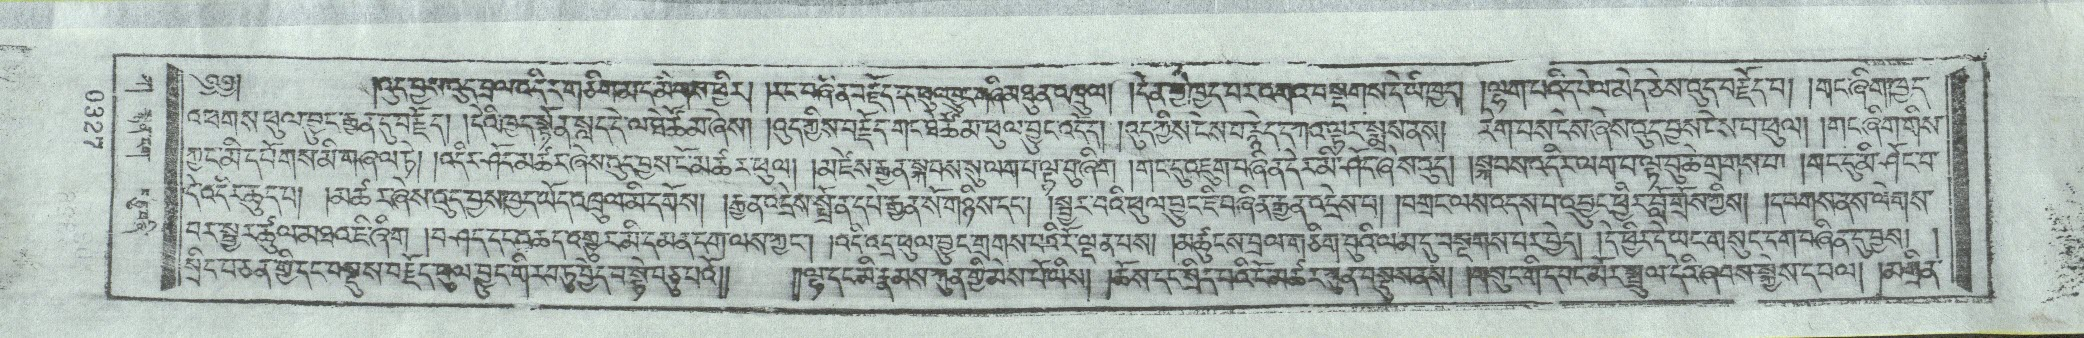༄༅། །འདུད་བྱས་བུད་བྲལ་འདིར་གཅིག་མ་དམིགས་ཕྱིར། །རང་བཞིན་བརྗོད་དང་ཕུལ་བྱུང་གཞི་མཐུན་འཁྲུལ། །དེན་གྱེ་ཁྱད་པར་འགའ་བསྔགས་དེ་ཡི་ཁྱད། །ལྷག་པའི་དཔེལ་མེད་ཅེས་འུད་བརྗོད་པ། །གང་ཞིག་ཁྱད་
འཕགས་ཕུལ་བྱུང་རྒྱན་དུ་བརྗོད། །དེའི་ཁྱད་སྟོན་སླད་དེ་ལ་ཐེ་ཚོམ་ཞེས། །འུད་ཀྱིས་བརྗོད་གང་ཐེ་ཚོམ་ཕུལ་བྱུང་འདོད། །འུད་ཀྱིས་ངེས་བ་རྙེད་དཀའ་ལྟར་སྨྲས་ནས། རེག་བས་ངེས་ཞེས་འུད་བྱས་ངེས་པ་ཕུལ། །གང་ཞིག་གིས་
ཀྱང་མི་དཔོགས་མི་གཞལ་ཏེ། །འདིར་ཤོང་མཚར་ཞེས་འུད་བྱས་ངོ་མཚར་ཕུལ། །མཛེས་རྒྱན་སྐབས་སུ་ལག་པ་ལྟ་བུ་ཞིག །གང་དུ་འཇུག་བཞིན་དེར་མི་ཤོང་ཞེས་བུད། །སྐབས་འདིར་ལག་པ་ལྟ་བུ་ཆེ་གྲགས་པ། །གང་དུ་མི་སོང་པ་
དེ་འདིར་ཆུད་པ། །མཚར་ཞེས་འུད་བྱས་ཁྱད་ཡོད་འཁྲུལ་མི་དགོས། །རྒྱན་འདྲེས་སྤྲོ་ན་དཔེ་རྒྱན་སོ་གཉིས་དང་། །སྦྱར་བའི་ཕུལ་བྱུང་ཇི་བཞིན་རྒྱན་འདྲེས་པ། །བགྲང་ལས་འདས་པ་འབྱུང་ཕྱིར་བློ་གྲོས་ཀྱིས་།དཔགས་ནས་ལེགས་
བར་སྦྱར་ཚུལ་མཐའ་ཇི་ཞིག །བཤད་དང་འཆད་འགྱུར་མི་དམན་དག་ལས་ཀྱང་། །འདི་འདྲ་ཕུལ་བྱུང་གྲགས་པའི་རོ་ལྡན་པས། །མཚུངས་བྲལ་གཅིག་བུའི་ལམ་དུ་བསྔགས་པར་བྱེད། །དེ་ཕྱིར་དེ་ཡང་གསུང་ངག་བཞིན་དུ་བྱས། །
བྲིད་པ་ཅན་གྱི་དང་བསྡུས་བརྗོད་ཕུལ་བྱུང་གི་རབ་ཏུ་བྱེད་པ་སྟེ་བཅུ་པའོ།། །།ལྷ་དང་མི་རྣམས་ཀུན་གྱི་མེས་པོ་ཡིས། །ཆོས་དང་སྲིད་པའི་ངོ་མཚར་ཀུན་བསྡུས་ནས། །གསུང་གི་དབང་མིར་སྤྲུལ་དེའི་ཞབས་སྐྱེས་དཔལ། །མགྲིན་